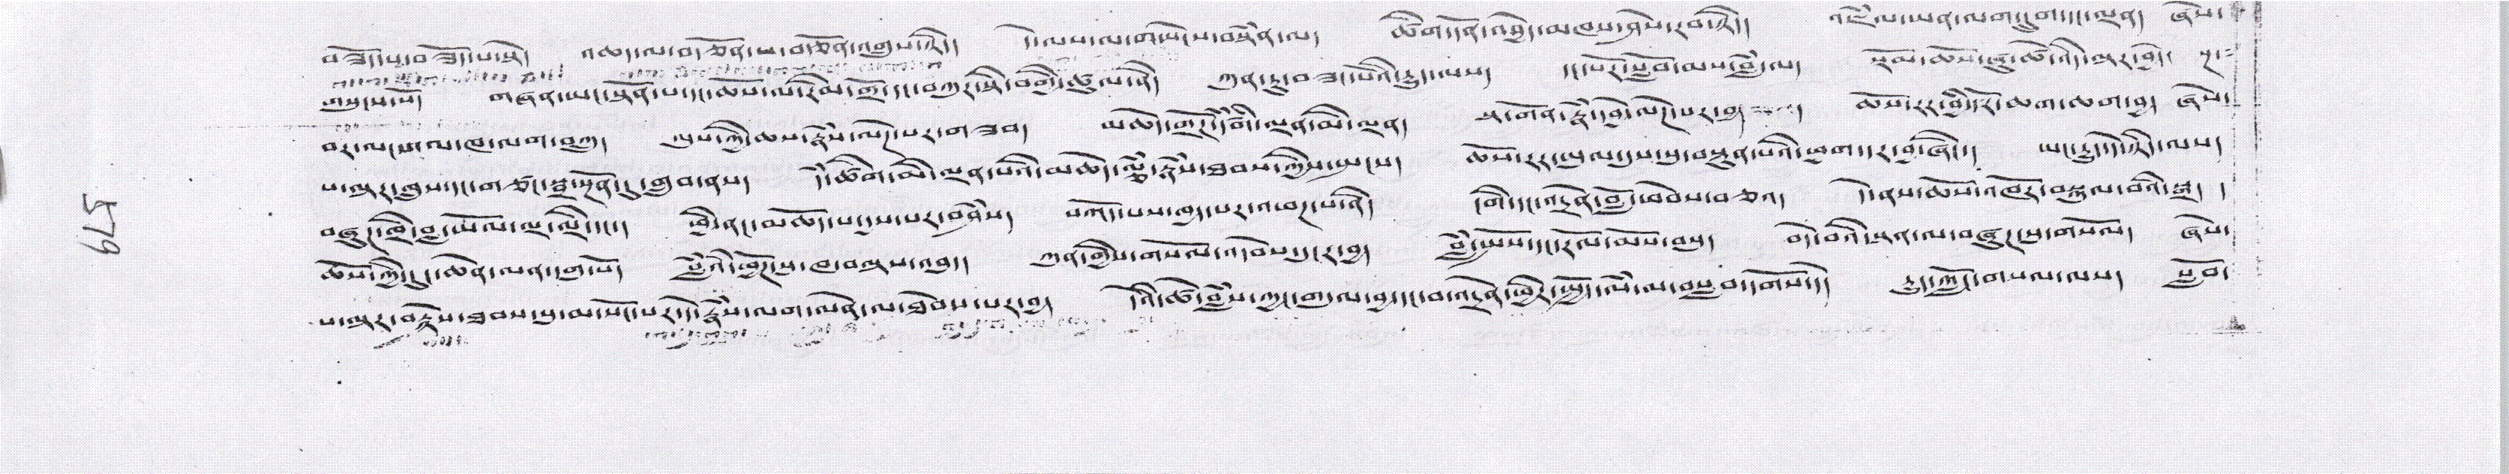བཟོད་པ་བཟོད་པ་སྟེ། །འཆད་ལ་བརྩོན་པ་བརྩོན་འགྲུས་ཉིད། །དེ་ལས་མ་ཡེངས་བསམ་གཏན་ལ། །ཚིག་དོན་འབྱེད་མཁས་ཤེས་རབ་ཉིད། །འཇམ་དཔལ་ཡན་ལག་དྲུག་དང་ལྡན། །ཞེས་
གསུངས་སོ། །གཞན་ཡང་སྟོན་པ་དང་ཆོས་ལ་རིམ་གྲོ་དང་བཀུར་བསྟི་བགྱི་ཚུལ་ནི། ཀུན་ཏུ་བཟང་པོའི་རྒྱུད་ལས། དང་པོར་སློབ་མས་བླ་མ་ལ། །སྡོམ་ཆོས་ཞུ་ཚེ་འདི་ལྟར་བྱེད། །སྔ་
བར་ལངས་ལ་ཁ་ལག་བཀྲུ། །ལུས་ཀྱི་ཆས་རྣམས་ལེགས་པར་གཟབ། །མཆེད་གྲོགས་དམ་ཚིག་ལྡན་མི་ལྡན། །སྟ་གོན་རྣམ་དབྱེ་ལེགས་པར་བྱ། །ཆོས་རྭར་བྱི་དོར་ཆག་ཆག་བྱ། །ཞེས་
པ་ལྟར་ཁྲུས་དང་གཙང་སྦྲ་སྔོན་དུ་གྲུབ་ནས། དམ་ཚིག་མི་ལྡན་པའི་མཆེད་ལྕམ་རྣམས་ཐབས་ཀྱིས་སྤངས། ཆོས་རར་ཡུལ་དུས་སུ་བསྟུན་པའི་ཕྱག་དར་བྱ་ཞིང་། ཡང་རྒྱུད་དེ་ཉིད་ལས། 
བཞུགས་ཁྲི་བླ་ཡོལ་ལྡ་ལྡི་དང་། །ཕྱི་ནང་མཆོད་པ་རྒྱས་པར་བཤམས། །བཀོད་པས་ཁྱད་པར་འཕགས་པ་ནི། །ངག་གི་དང་འདྲེན་བློ་ཕེབས་བཅའ། །དེ་ནས་ཆོས་འཁོར་བསྐུལ་བའི་སྒྲ། །
ཆོས་ཀྱི་དུང་ཆེན་ལན་དགུ་པོ། །བླ་མའི་ཕྱོགས་སུ་ཁ་བལྟས་འབུད། །ཀུན་གྱིས་གསོལ་འདེབས་དུངར་བྱ། །བླ་མ་སྤོས་དང་རོལ་མོས་བསུ། །བདེ་བའི་སྟན་ལ་བཞུགས་སུ་གསོལ། །ཞེས་
པ་ལྟར་བརྙས་ཐབས་སུ་མ་སོང་བར་དེ་རྣམས་ལག་ལེན་ལ་ཐེབས་པར་བྱ། དེའི་ཚེ་བླ་མས་ཀྱང་གདུལ་བྱ་དང་བ་འདྲེན་ཕྱིར་སྤྱོད་ལམ་ལ་བསླབ་དགོས་ཏེ། རྒྱུད་ཀློང་གསལ་ལས། སློབ་